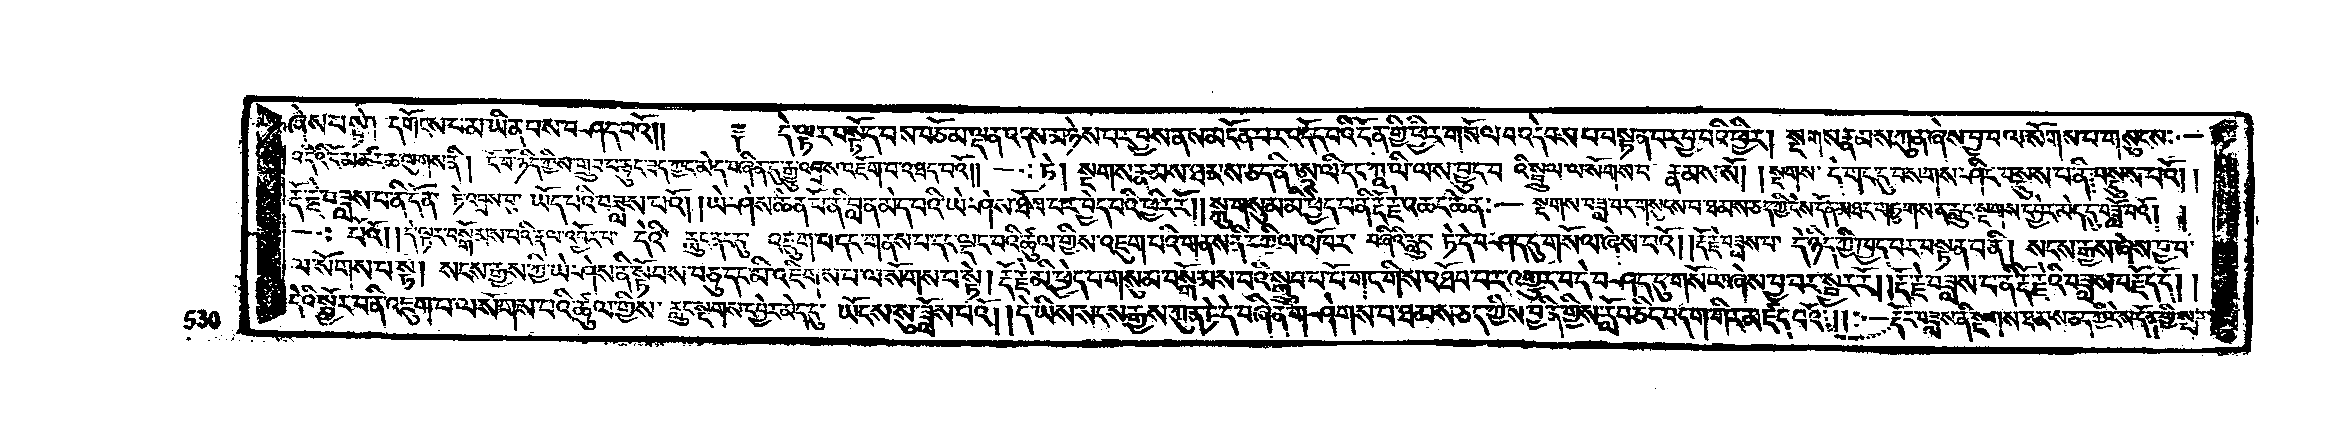ཞེས་པ་སྟེ། དགོངས་པ་མ་ཡིན་པས་བཤད་པའོ།། ༈ དེ་ལྟར་བསྟོད་པས་བཅོམ་ལྡན་འདས་མཉེས་པར་བྱས་ནས་མངོན་པར་འདོད་པའི་དོན་གྱི་ཕྱིར་གསོལ་བ་འདེབས་པ་བསྟན་པར་བྱ་བའི་ཕྱིར། སྔགས་རྣམས་ཀུན་ཞེས་བྱ་བ་ལ་སོགས་པ་གསུངསཿ
འདིའི་ངོ་མཚར་ཆེ་ལུགས་ནི། ངོ་བོ་ཉིད་ཀྱིས་གྲུབ་པ་ཅུང་ཟད་ཀྱང་མེད་བཞིན་དུ་རྒྱུ་འབྲས་འཇོག་པ་འཐད་པའོ།།  .Hཏེ། སྔགས་རྣམས་ཐམས་ཅད་ནི་ཨཱ་ལི་དང་ཀཱ་ལི་ལས་བྱུང་བའི་སྦྲུལ་ལ་སོགས་པ་རྣམས་སོ། །སྔགས་དེ་གང་དུ་གསགས་ཤིང་བསྡུས་པ་ནི་བསྡུས་པའོ།།
རྡོ་རྗེ་བཟླས་པ་ནི་དོན་ཏེ་འབྲས་བུ་ཡོད་པའི་བཟླས་པའོ། །ཡེ་ཤེས་ཆེན་པོ་ནི་བླ་ན་མེད་པའི་ཡེ་ཤེས་ཐོབ་པར་བྱེད་པའི་ཕྱིར་རོ། །སྐུ་གསུམ་མ་ཕྱེད་པ་ནི་རྡོ་རྗེ་འཆག་ཆེནཿ་སྔགས་བཟླ་བར་གསུངས་པ་ཐམས་ཅད་ཀྱི་ངེས་དོན་མཐར་གཏུགས་ན་རླུང་སྔགས་དབྱེར་མེད་དུ་བཟློ་བའོ། །
.Hཔོའོ། ། དེ་ལྟར་བསྒོམས་པའི་རྣལ་འབྱོར་པ་དེའི་རླུང་ནང་དུ་འཇུག་པ་དང་གནས་པ་དང་ལྡང་བའི་ཚུལ་གྱིས་འཇུག་པའི་གནས་ནི་དཀྱིལ་འཁོར་བཞིའི་རླུང་ཏེ་དེ་བཤད་དུ་གསོལ་ཞེས་པའོ། །རྡོ་རྗེ་བཟླས་པ་དེ་ཉིད་ཀྱི་ཁྱད་པར་བསྟན་པ་ནི། སངས་རྒྱས་ཞེས་བྱ་བ་
ལ་སོགས་པ་སྟེ། སངས་རྒྱས་ཀྱི་ཡེ་ཤེས་ནི་སྟོབས་བཅུ་དང་མི་འཇིགས་པ་ལ་སོགས་པ་སྟེ། རྡོ་རྗེ་མི་ཕྱེད་པ་གསུམ་བསྒོམ་པའི་སྒྲུབ་པ་པོ་གང་གིས་འཐོབ་པར་འགྱུར་བདེ་བཤད་དུ་གསོལ་ཞེས་བྱ་བར་སྦྱར་རོ། །རྡོ་རྗེ་བཟླས་པ་ན་རྡོ་རྗེའི་བཟླས་བརྗོད་དོ།།
དེའི་སྦྱོར་བ་ནི་འཇུག་པ་ལ་སོགས་པའི་ཚུལ་གྱིས་རླུང་སྔགས་དབྱེར་མེད་དུ་ཡོངས་སུ་ཟློས་པའོ། །དེ་ཡིས་སངས་རྒྱས་ཀུན་ཏེ་དེ་བཞིན་གཤེགས་པ་ཐམས་ཅད་ཀྱིས་བྱིན་གྱིས་རློབ་ཅིང་བདག་གིར་མཛད་པའོ།།H.་རྡོར་བཟླས་ནི་སྔགས་ཐམས་ཅད་ཀྱི་ངེས་དོན་གྱི་སྔགས་